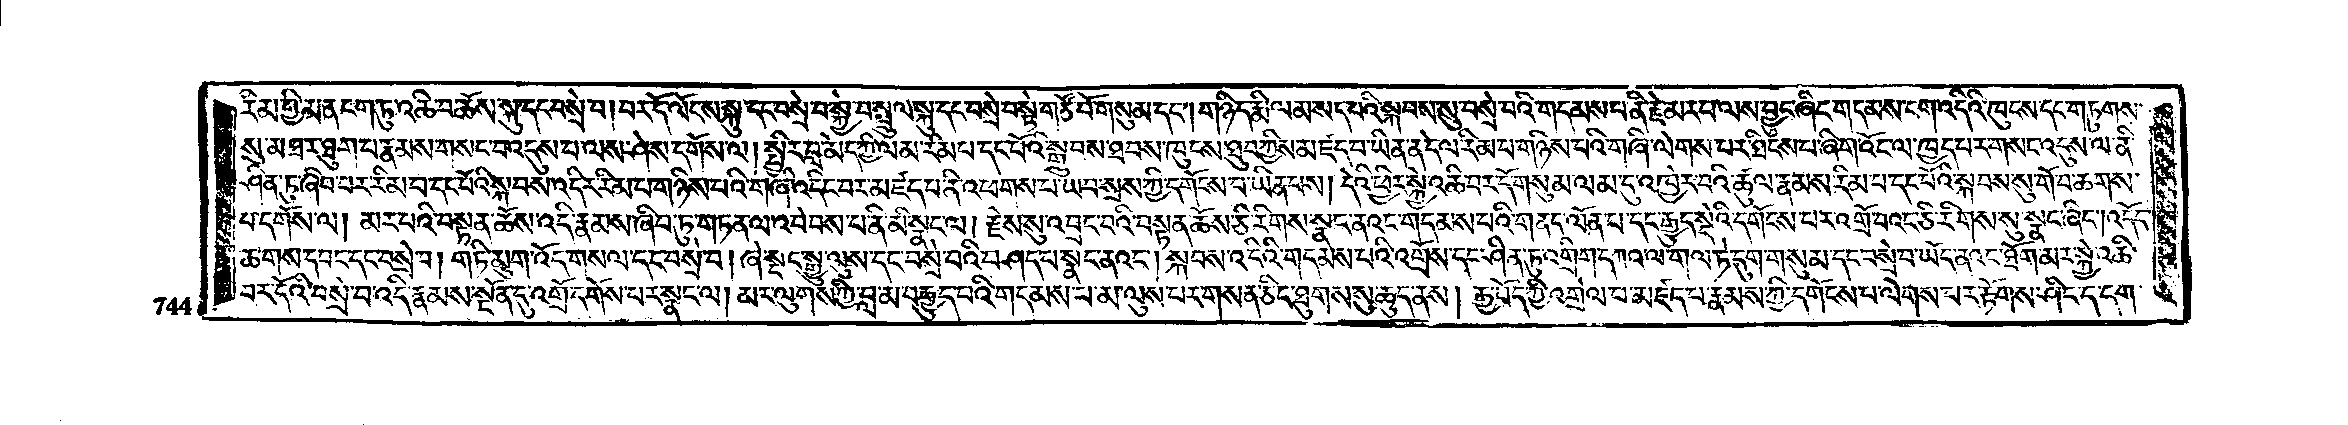རིམ་གྱི་མན་ངག་ཏུ་འཆི་བ་ཆས་སྐུ་དང་བསྲེ་བ། བར་དོ་ལོངས་སྐུ་དང་བསྲེ་བ་སྐྱེ་བ་སྤྲུལ་སྐུ་དང་བསྲེ་བ་སྟེ་གཙོ་བོ་གསུམ་དང་། གཉིད་རྨི་ལམ་སད་པའི་སྐབས་སུ་བསྲེ་བའི་གདམས་པ་ནི་རྗེ་མར་པ་ལས་བྱུང་ཞིང་གདམས་ངག་འདིའི་ཁུངས་དང་གཏུགས་
ས་མཐར་ཐུག་པ་རྣམས་གསང་བ་འདུས་པ་ལས་ཤེས་དགོས་ལ། སྤྱིར་བླ་མེད་ཀྱི་ལམ་རིམ་པ་དང་པོའི་སྒྲུབས་ཐབས་ཁུངས་ཐུབ་ཀྱིས་མཛད་པ་ཡིན་ན་དེ་ལ་རིམ་པ་གཉིས་པའི་གཞི་ལེགས་པར་ཐིངས་པ་ཞིག་འོང་ལ་ཁྱད་པར་གསང་འདུས་ལ་ནི་
ཤིན་ཏུ་ཞིབ་པར་རིམ་པ་དང་པོའི་སྐབས་འདིར་རིམ་པ་གཉིས་པའི་གཞི་འདིང་བར་མཛད་པ་ནི་འཕགས་པ་ཡབ་སྲས་ཀྱི་དགོངས་པ་ཡིན་པས། དེའི་ཕྱིར་སྐྱེ་འཆི་བར་དོ་གསུམ་ལམ་དུ་འཁྱེར་བའི་ཚུལ་རྣམས་རིམ་པ་དང་པོའི་སྐབས་སུ་གོ་བ་ཆགས་
པ་དགོས་ལ། མར་པའི་བསྟན་ཆོས་འདི་རྣམས་ཞིབ་ཏུ་གཏན་ལ་འབེབས་པ་ནི་མི་སྣང་ལ། རྗེས་སུ་འབྲང་བའི་བསྟན་ཆོས་ཅི་རིགས་སྣང་ནའང་གདམས་པའི་གནད་ལོན་པ་དང་རྒྱུད་སྡེའི་དགོངས་པར་འགྲོ་བའང་ཅི་རིགས་སུ་སྣང་ཞིང་། འདོད་
ཆགས་དབང་དང་བསྲེ་བ། གཏི་མུག་འོད་གསལ་དང་བསྲེ་བ། ཞེ་སྡང་སྒྱུ་ལུས་དང་བསྲེ་བའི་བཤད་པ་སྣང་ནའང་། སྐབས་འདིའི་གདམས་པའི་འགྲོས་དང་ཤིན་ཏུ་འགྲིག་དཀའ་ལ་གལ་ཏེ་དུག་གསུམ་དང་བསྲེ་བ་ཡོད་ནའང་ཐོག་མར་སྐྱེ་འཆི་
བར་དོའི་བསྲེ་བ་འདི་རྣམས་སྔོན་དུ་འགྲོ་དགོས་པར་སྣང་ལ། མར་ལུགས་ཀྱི་བླ་མ་བརྒྱུད་པའི་གདམས་པ་མ་ལུས་པར་གསན་ཅིང་ཐུགས་སུ་ཆུད་ནས། རྒྱ་བོད་ཀྱི་འགྲེལ་པ་མཛད་པ་རྣམས་ཀྱི་དགོངས་པ་ལེགས་པར་རྟོགས་ཤིང་དེ་དག་